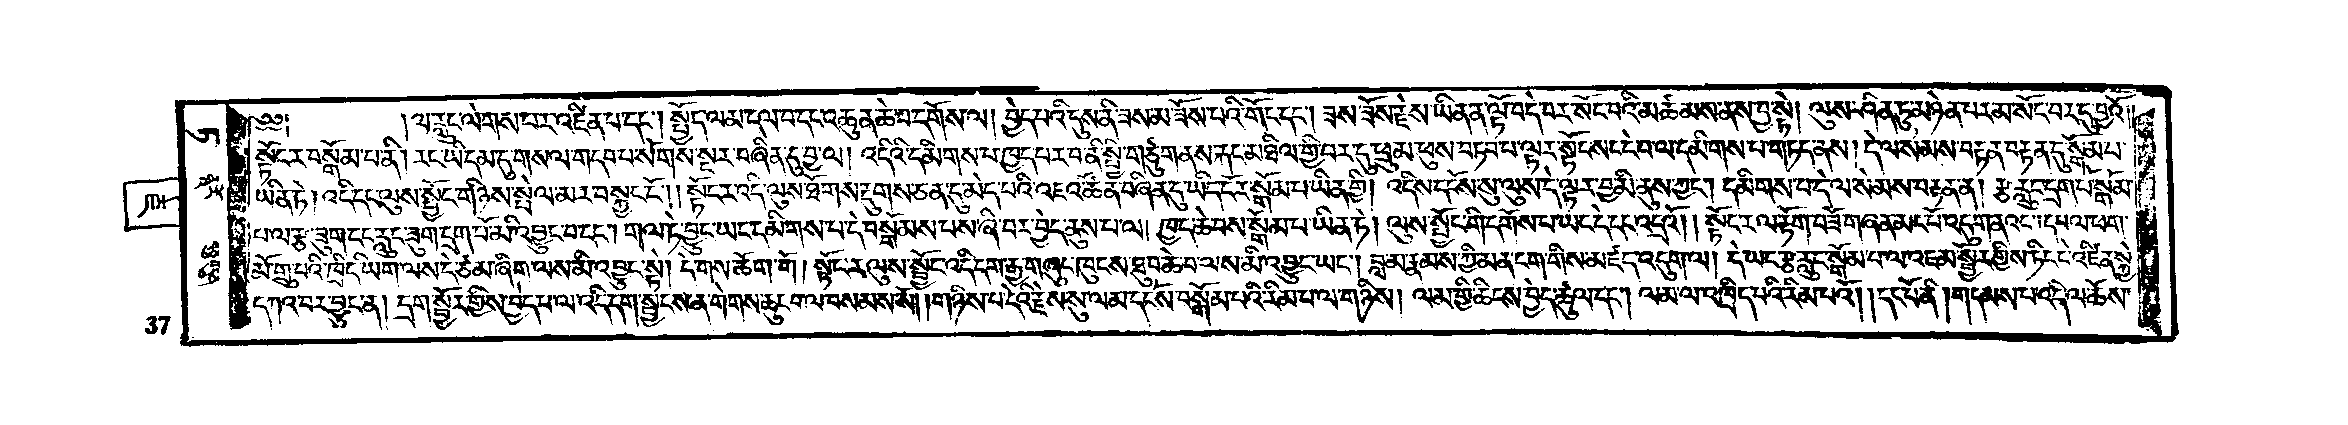༄༅། །ལ་རླུང་ལེགས་པར་འཛིན་པ་དང་། སྤྱོད་ལམ་ངལ་བ་དང་འཆུན་ཆེ་བ་དགོས་ལ། བྱེད་པའི་དུས་ནི་ཟས་མ་ཟོས་པའི་གོང་དང་། ཟས་ཟོས་རྗེས་ཡིན་ན་ལྟོ་བདེ་བར་སོང་བའི་མཚམས་ནས་བྱ་སྟེ། ལུས་ཤིན་ཏུ་མཉེན་པར་མ་སོང་བར་དུ་བྱའོ། །
སྟོང་ར་བསྒོམ་པ་ནི། རང་ཡི་དམ་དུ་གསལ་གདབ་པ་སོགས་སྔར་བཞིན་དུ་བྱ་ལ། འདིའི་དམིགས་པ་ཁྱད་པར་བ་ནི་སྤྱི་གཙུག་ནས་རྐང་མཐིལ་གྱི་བར་དུ་ཕྲུམ་ཕུས་བཏབ་པ་ལྟར་སྟོང་སང་ངེ་བ་ལ་དམིགས་པ་གཏད་ནས། དེ་ལ་སེམས་བརྟན་བརྟན་དུ་སྒོམ་པ་
ཡིན་ཏེ། འདི་དང་ལུས་སྤྱོང་གཉིས་སྤེལ་མར་བསྐྱང་ངོ། །སྟོང་ར་འདི་ལུས་ཐོགས་རྡུགས་ཅན་དུ་མེད་པའི་འཇའ་ཚོན་བཞིན་དུ་ཡིད་ངོར་སྒོམ་པ་ཡིན་གྱི། འདིས་དངོས་སུ་ལུས་དེ་ལྟར་བྱ་མི་ནུས་ཀྱང་། དམིགས་པ་དེ་ལ་སེམས་བརྟན་ན། རྩ་རླུང་དྲག་པོ་སྒོམ་
པ་ལ་རྩ་ཟུག་དང་རླུང་ཟུག་དྲག་པོ་མི་འབྱུང་བ་དང་། གལ་ཏེ་བྱུང་ཡང་དམིགས་པ་དེ་བསྒོམས་པས་ཞི་བར་བྱེད་ནུས་པ་ལ། ཁྱད་ཆེ་བས་སྒོམ་པ་ཡིན་ཏེ། ལུས་སྤྱོང་གི་དགོས་པ་ཡང་དེ་དང་འདྲའོ། །སྟོང་ར་ལ་རྟོག་བཟོ་གཞན་མང་པོ་འདུག་ནའང་། དཔལ་ཕག་
མོ་གྲུ་པའི་ཁྲིད་ཡིག་ལས་དེ་ཙམ་ཞིག་ལས་མི་འབྱུང་སྟེ། དེ་གས་ཆོག་གོ །སྟོང་ར་ལུས་སྦྱོང་འདི་དག་རྒྱ་གཞུང་ཁུངས་ཐུབ་ཆེ་བ་ལས་མི་འབྱུང་ཡང་། བླ་མ་རྣམས་ཀྱི་མན་ངག་གིས་མཛད་འདུག་ལ། དེ་ཡང་རྩ་རླུང་སྒོམ་པ་ལ་འཇམ་སྦྱོར་གྱིས་ཏིང་ངེ་འཛིན་སྐྱེ་
དཀའ་བར་བྱུང་ན། དྲག་སྦྱོར་གྱིས་བྱེད་པ་ལ་འདི་དག་སྦྱངས་ན་གེགས་ཆུང་བ་ལ་བསམས་སོ། །གཉིས་པ་དེའི་རྗེས་སུ་ལམ་དངོས་བསྒོམ་པའི་རིམ་པ་ལ་གཉིས། ལམ་གྱི་ཆིངས་བྱེད་ཚུལ་དང་། ལམ་ལ་འཁྲིད་པའི་རིམ་པའོ། །དང་པོ་ནི། གདམས་པ་འདི་ལ་ཆོས་